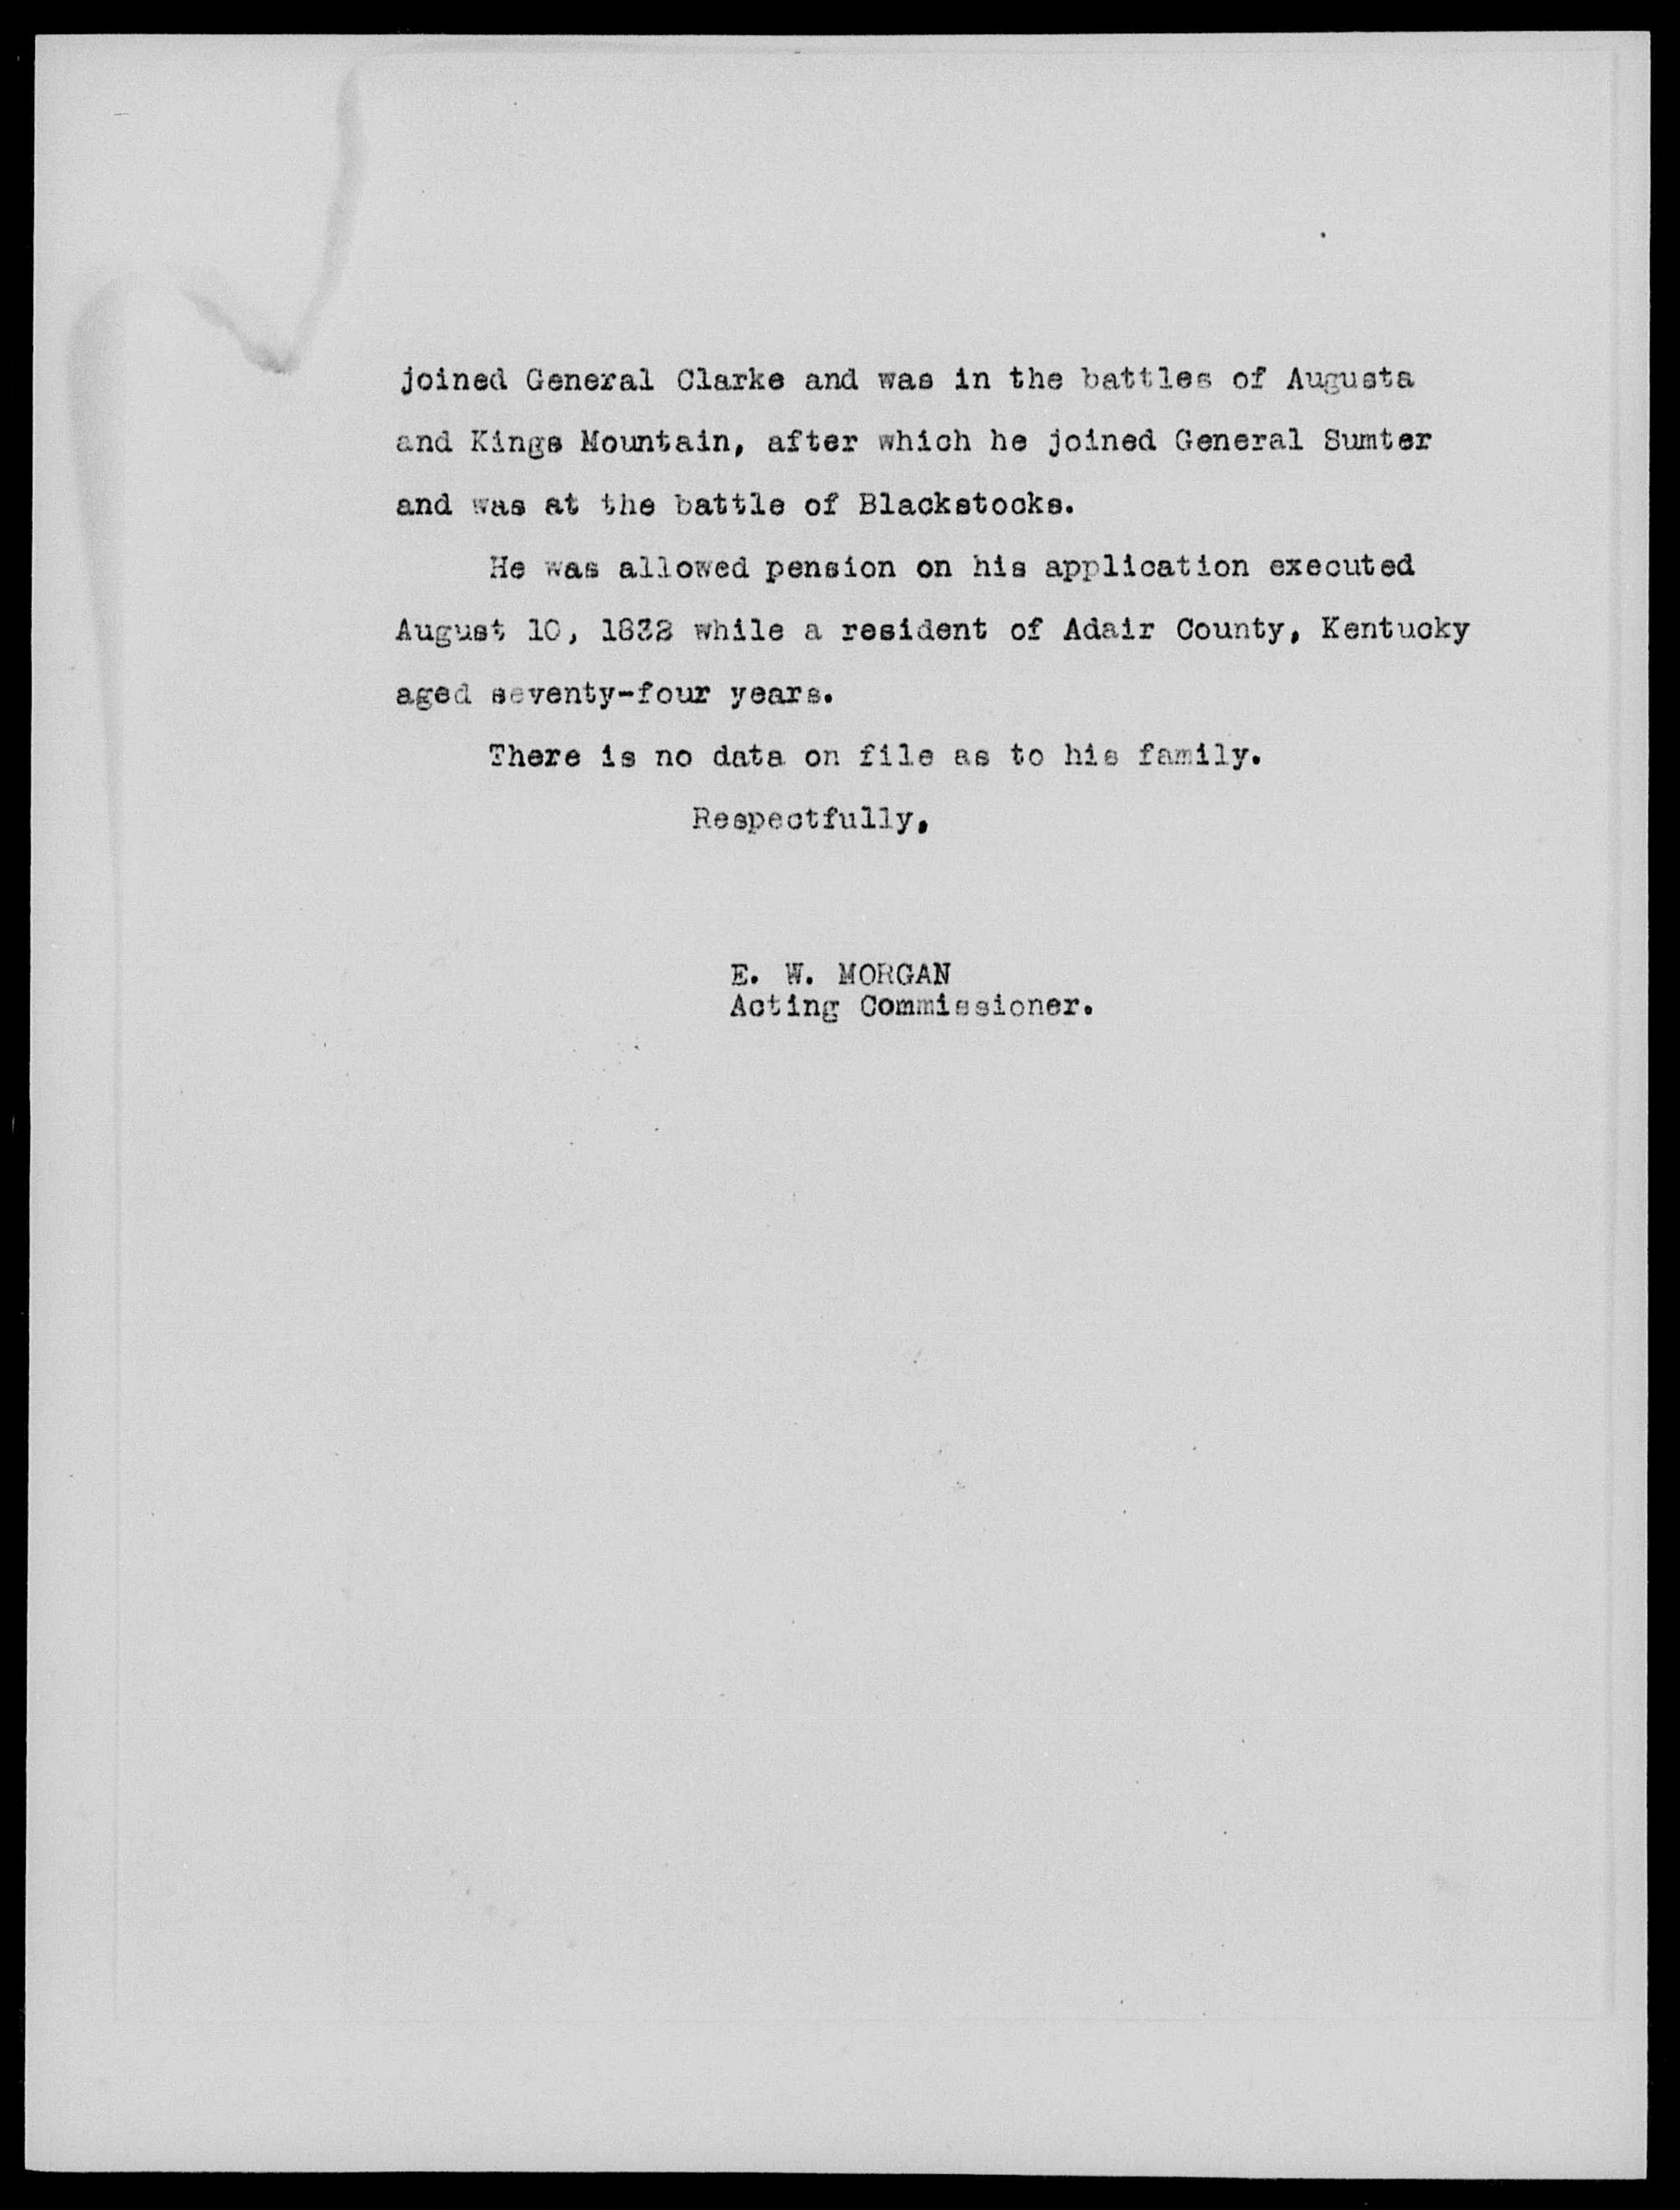joined General Clarke and was in the battles of Augusta and Kings Mountain, after which he joined General Sumter and was at the battle of Blackstocks. 
He was allowed pension on his application executed August 10, 1838 while a resident of Adair County, Kentucky aged seventy-four years.
There is no data on file as to his family. 
Respectfully,
E. W. MORGAN
Acting Commissioner.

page: 26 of 28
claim: survivor's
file: S. 16,470, for William Mc Kinney, Georgia